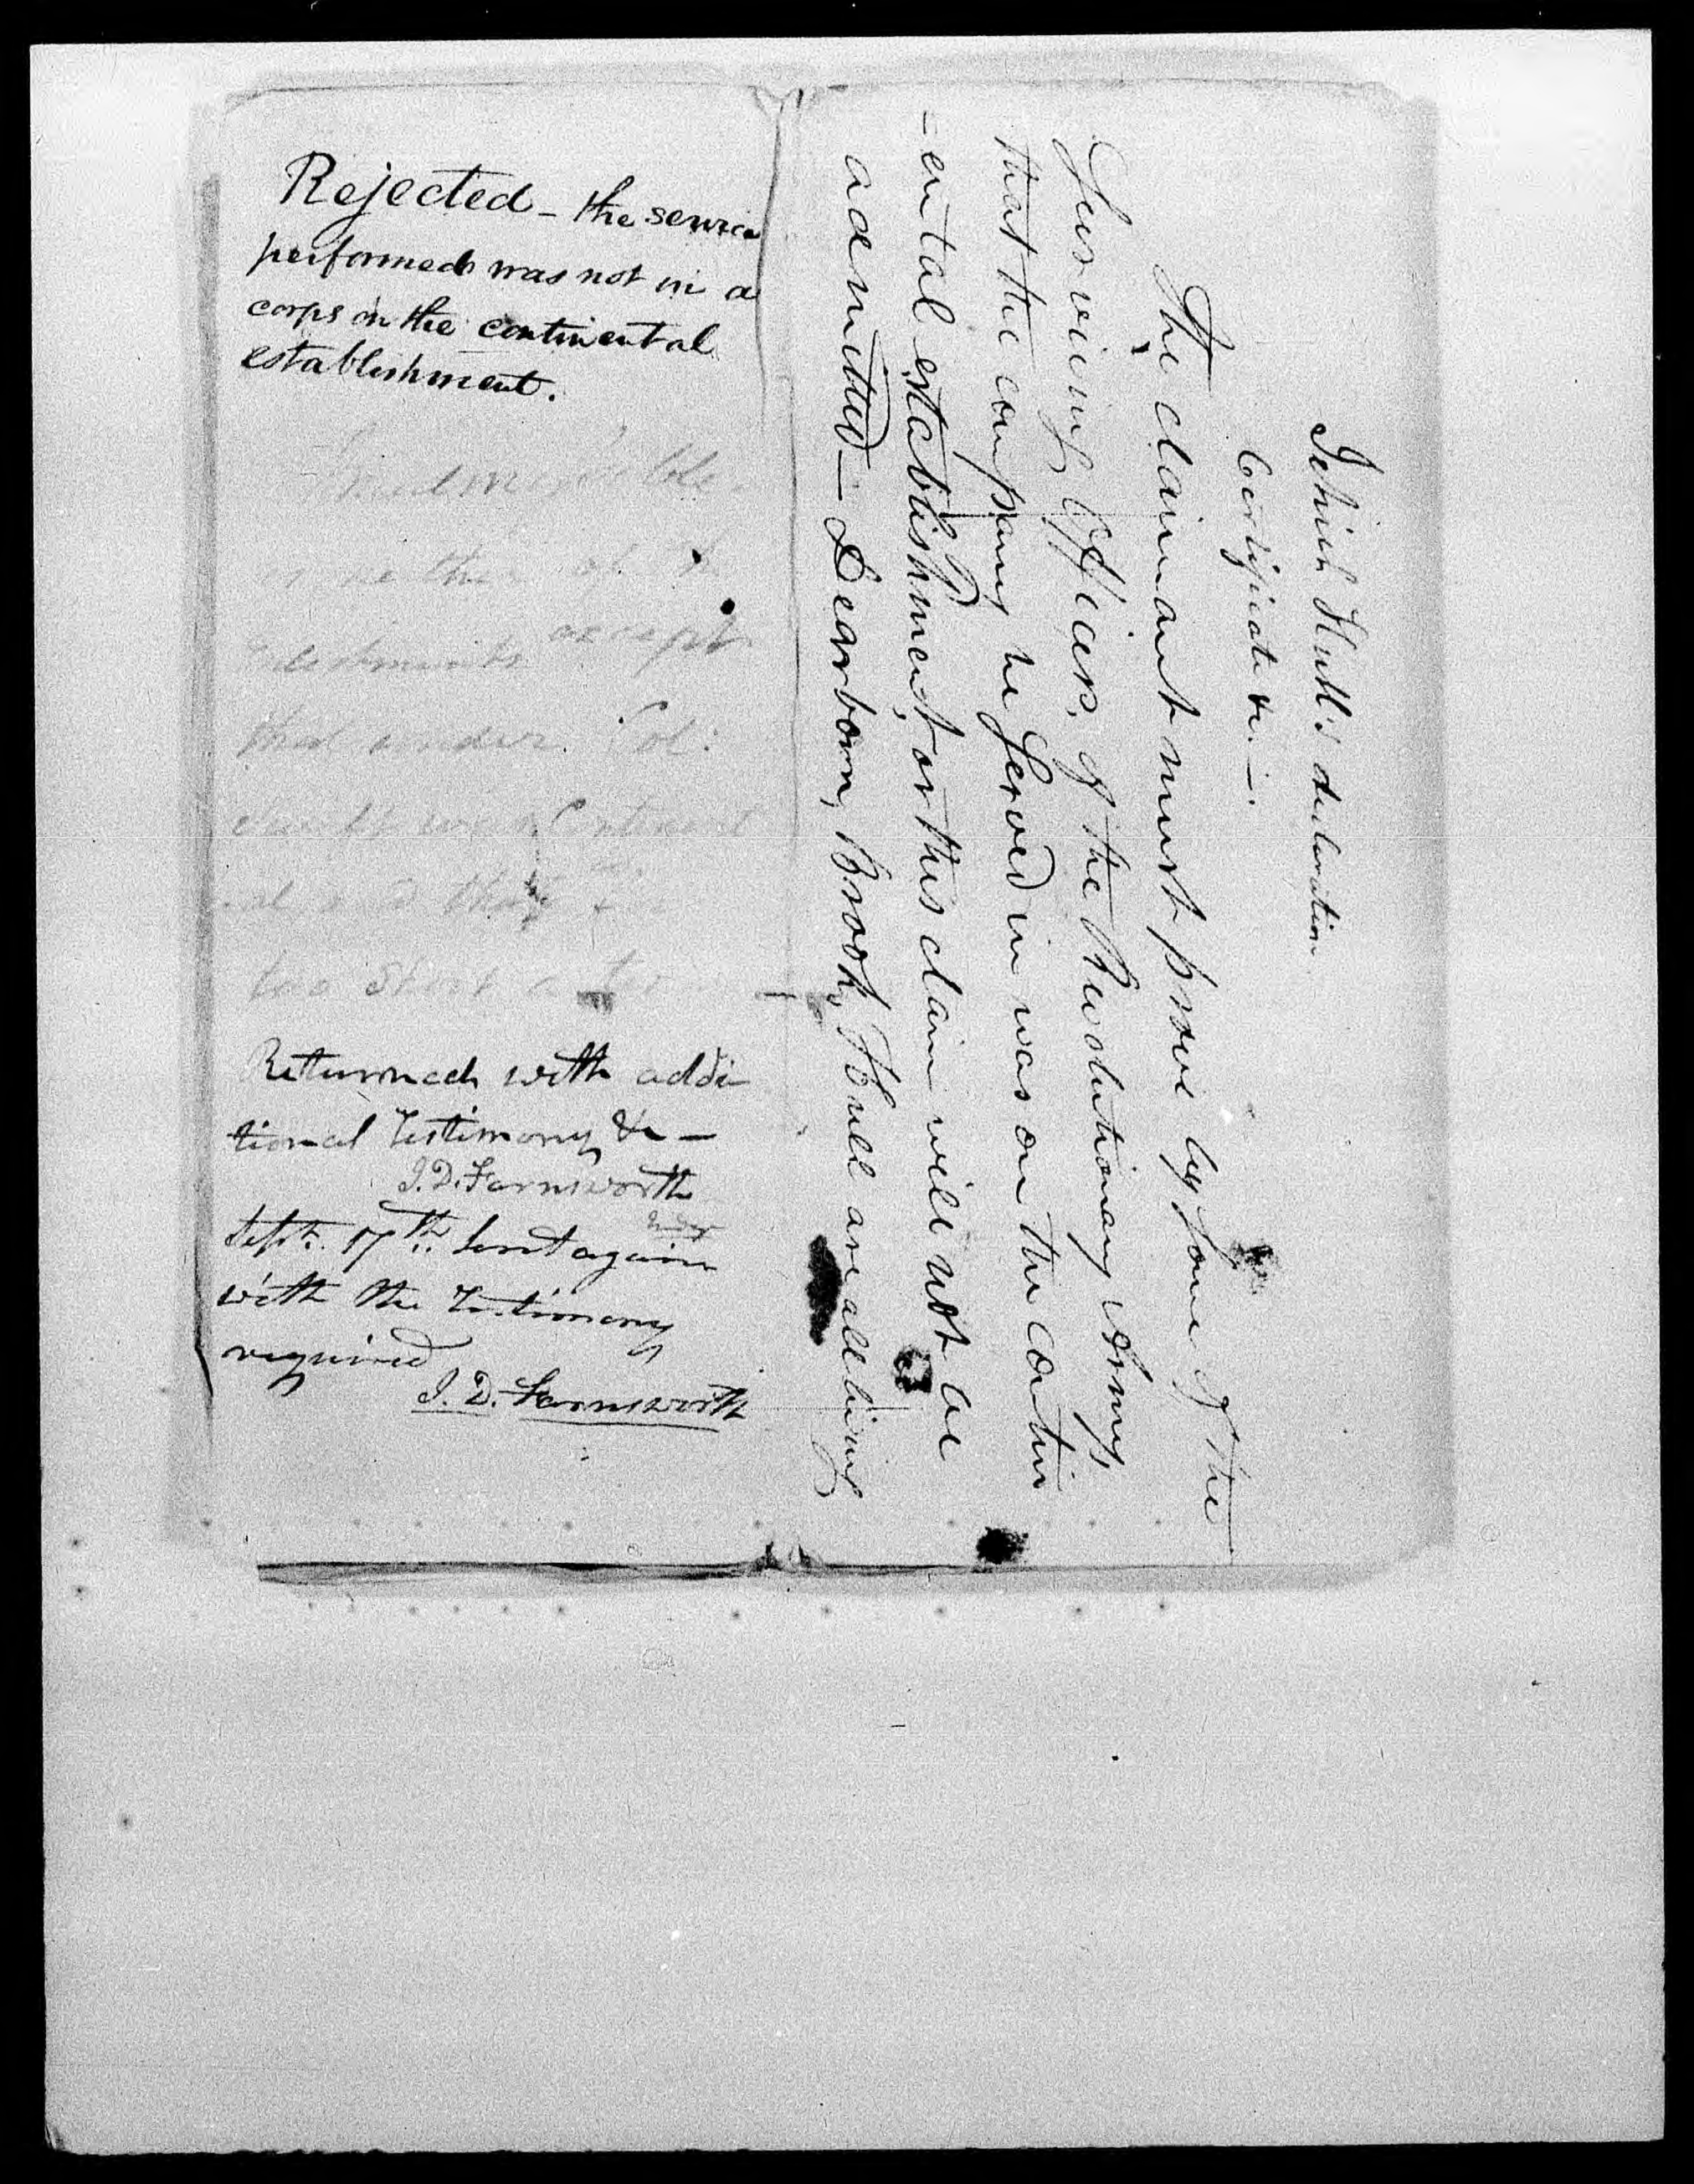Rejected- the service performed was not in a corps on the continental establishment 
ILLEGIBLE
Retured ILLEGIBLE with additional testimony ILLEGIBLE J. D. Farmworth Sept 7th ILLEGIBLE with the testimony required 
J.D. ILLEGIBLE
Jehiel Hull testimony 
ILLEGIBLE
The ILLEGIBLE must prove by ILLEGIBLE of the ILLEGIBLE of the Revolutionary Army that the company he served in was on the continental establishment or this claim will not ILLEGIBLE - Dearborn Brook ILLEGIBLE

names: J D Farnsworth, Jehiel Hull, Dearborn, Brooks, Hull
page: 35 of 58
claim: widow's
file: W. 25813, Jehiel Hull, Conn.